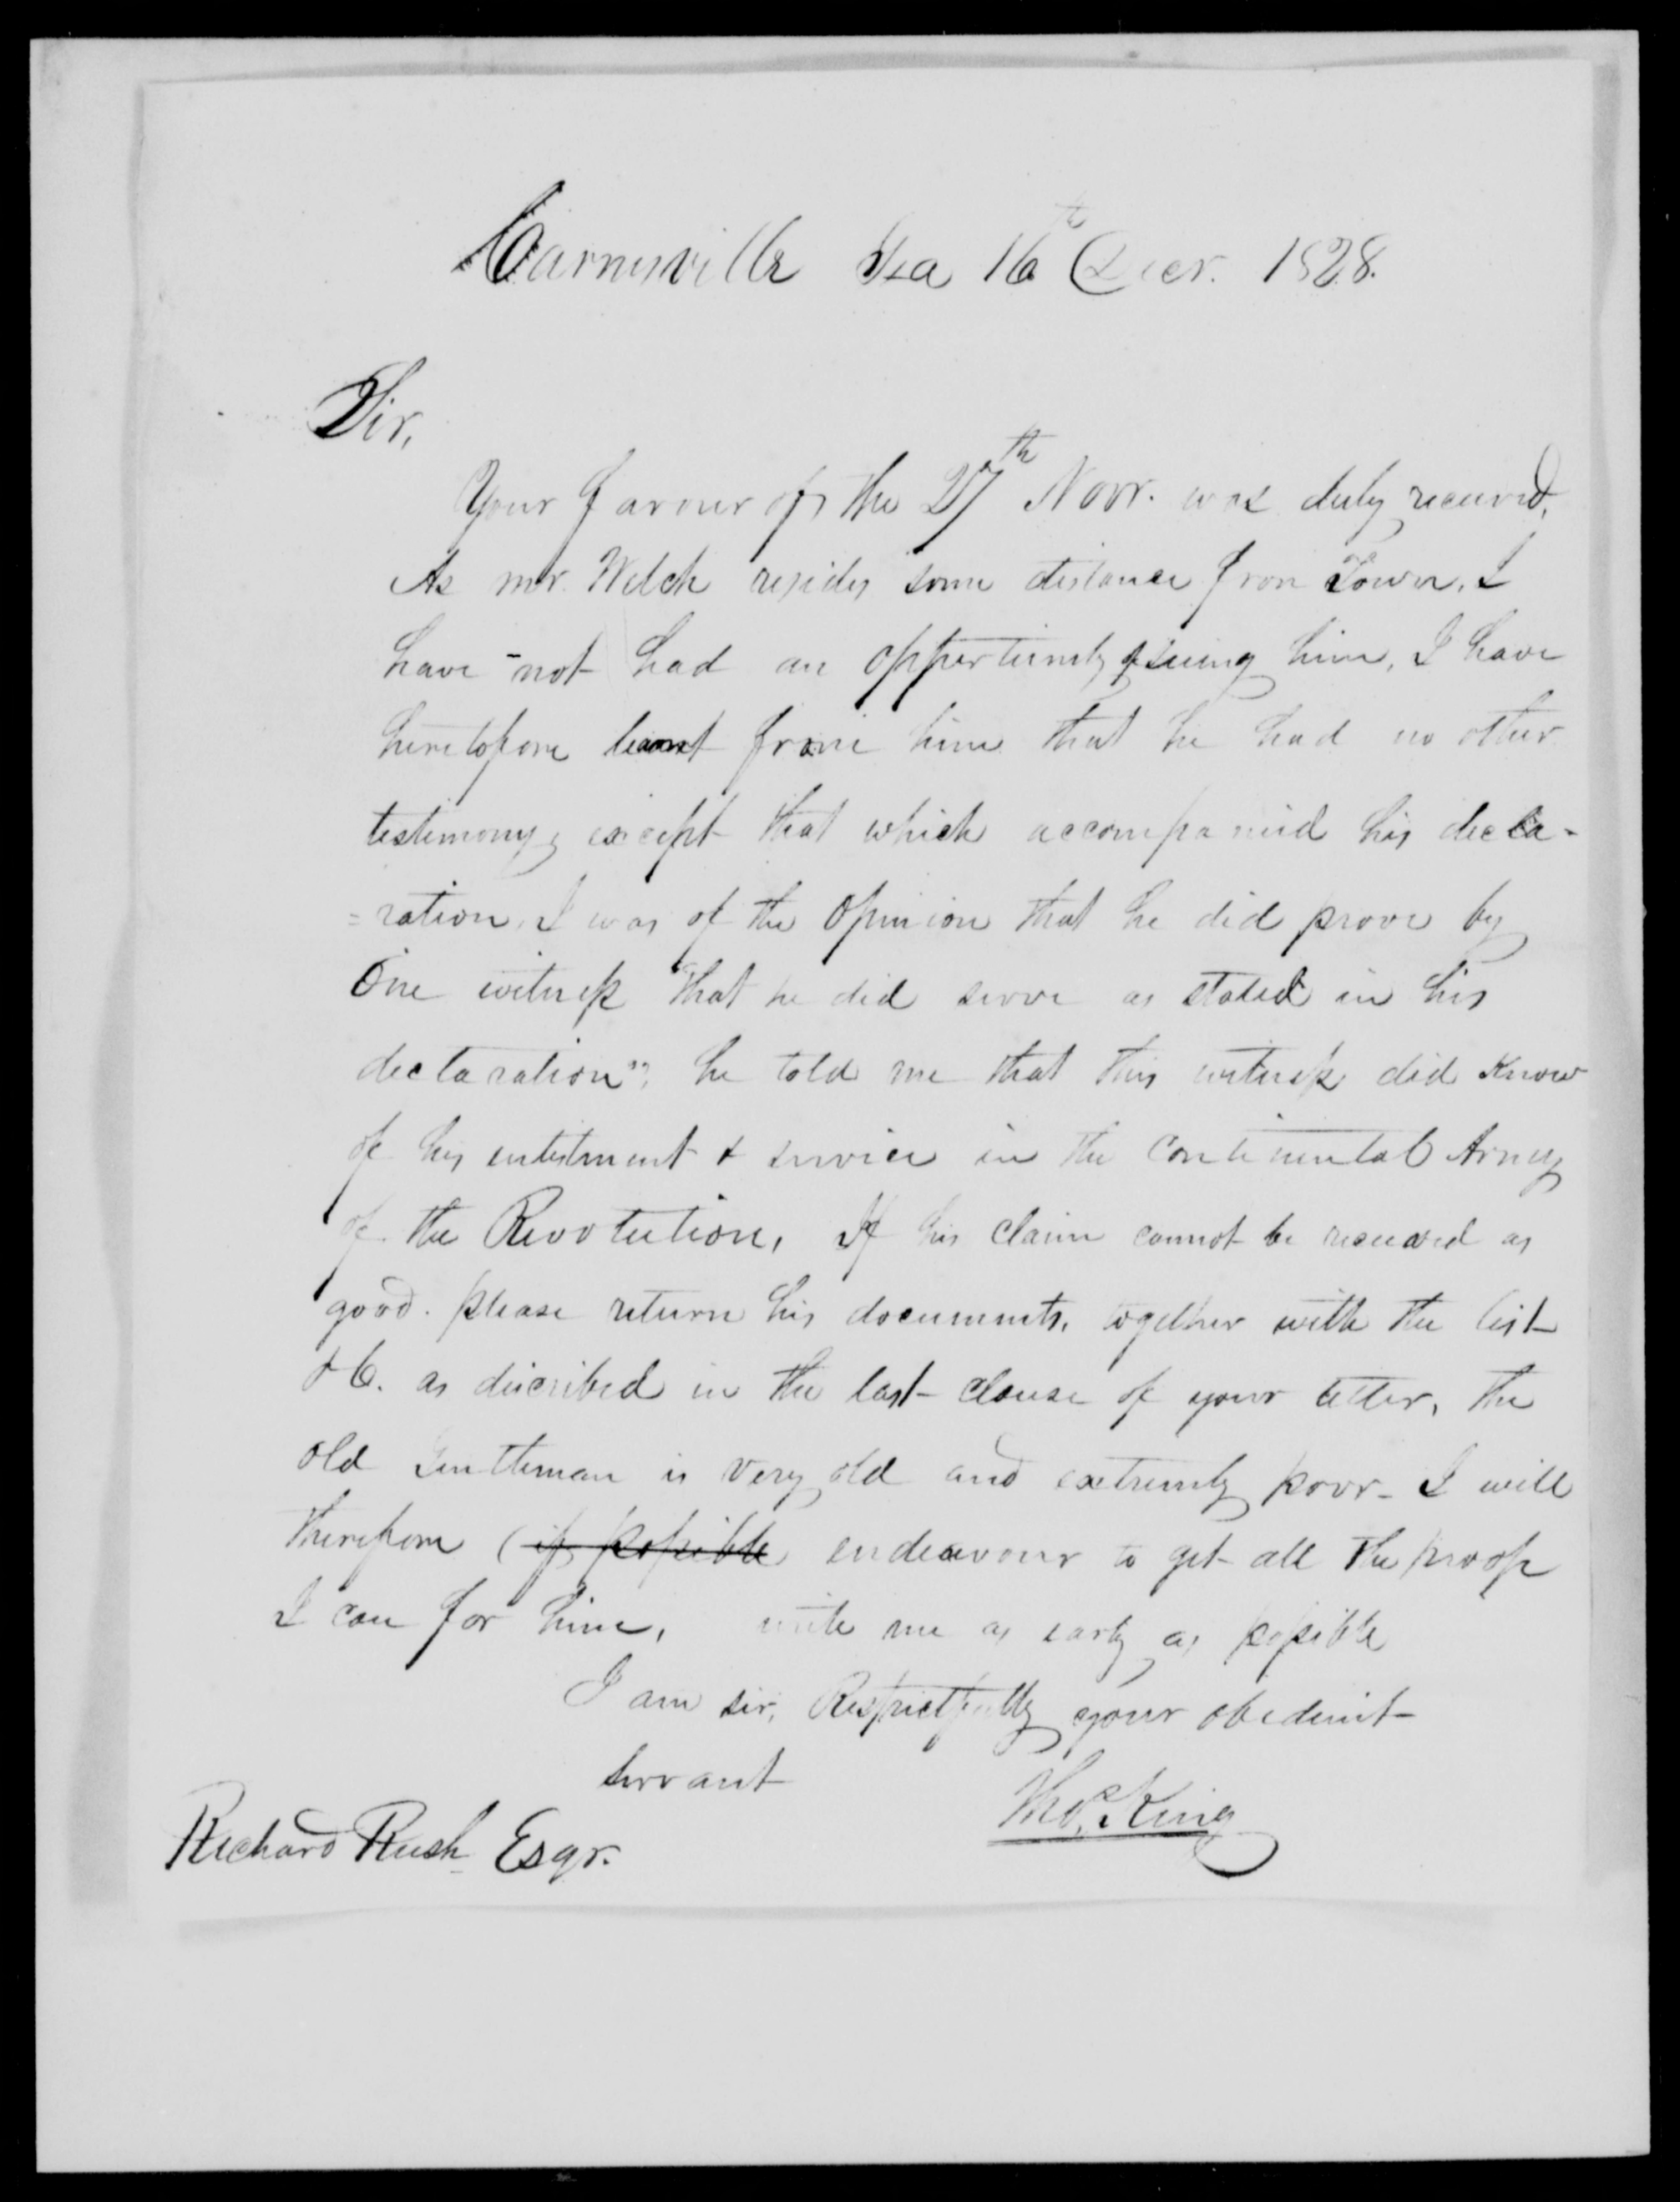Carnesville Ga 16 Decr. 1828.
Sir,
Your former of the 27th Novr. was duly received, As Mr Welch resides some distance from Town, I have not had an oppertunity of seeing him, I have heretofore learnt from him that he had no other testimony, except that which accompanied his declaration, I was of the opinion that he did prove by One witness that he did serve as stated in his declaration, he told me that this witness did know of his enlistment & service in the continental Army
of the Revolution, If his claim cannot be received as good, please return his documents, together with the list &c. as described in the last clause of your letter, the old Gentleman is very old and extremely poor, I will therefrom endeavour to get all the proof I can for him, with me as early as possible
I am Sir Respectfully your obedient
Servant
Thos. King
Richard Rush Esqr.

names: Richard Rush, Thos King, Welch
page: 22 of 23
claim: rejected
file: R. 20,446, Benjamin Welch, Ga.